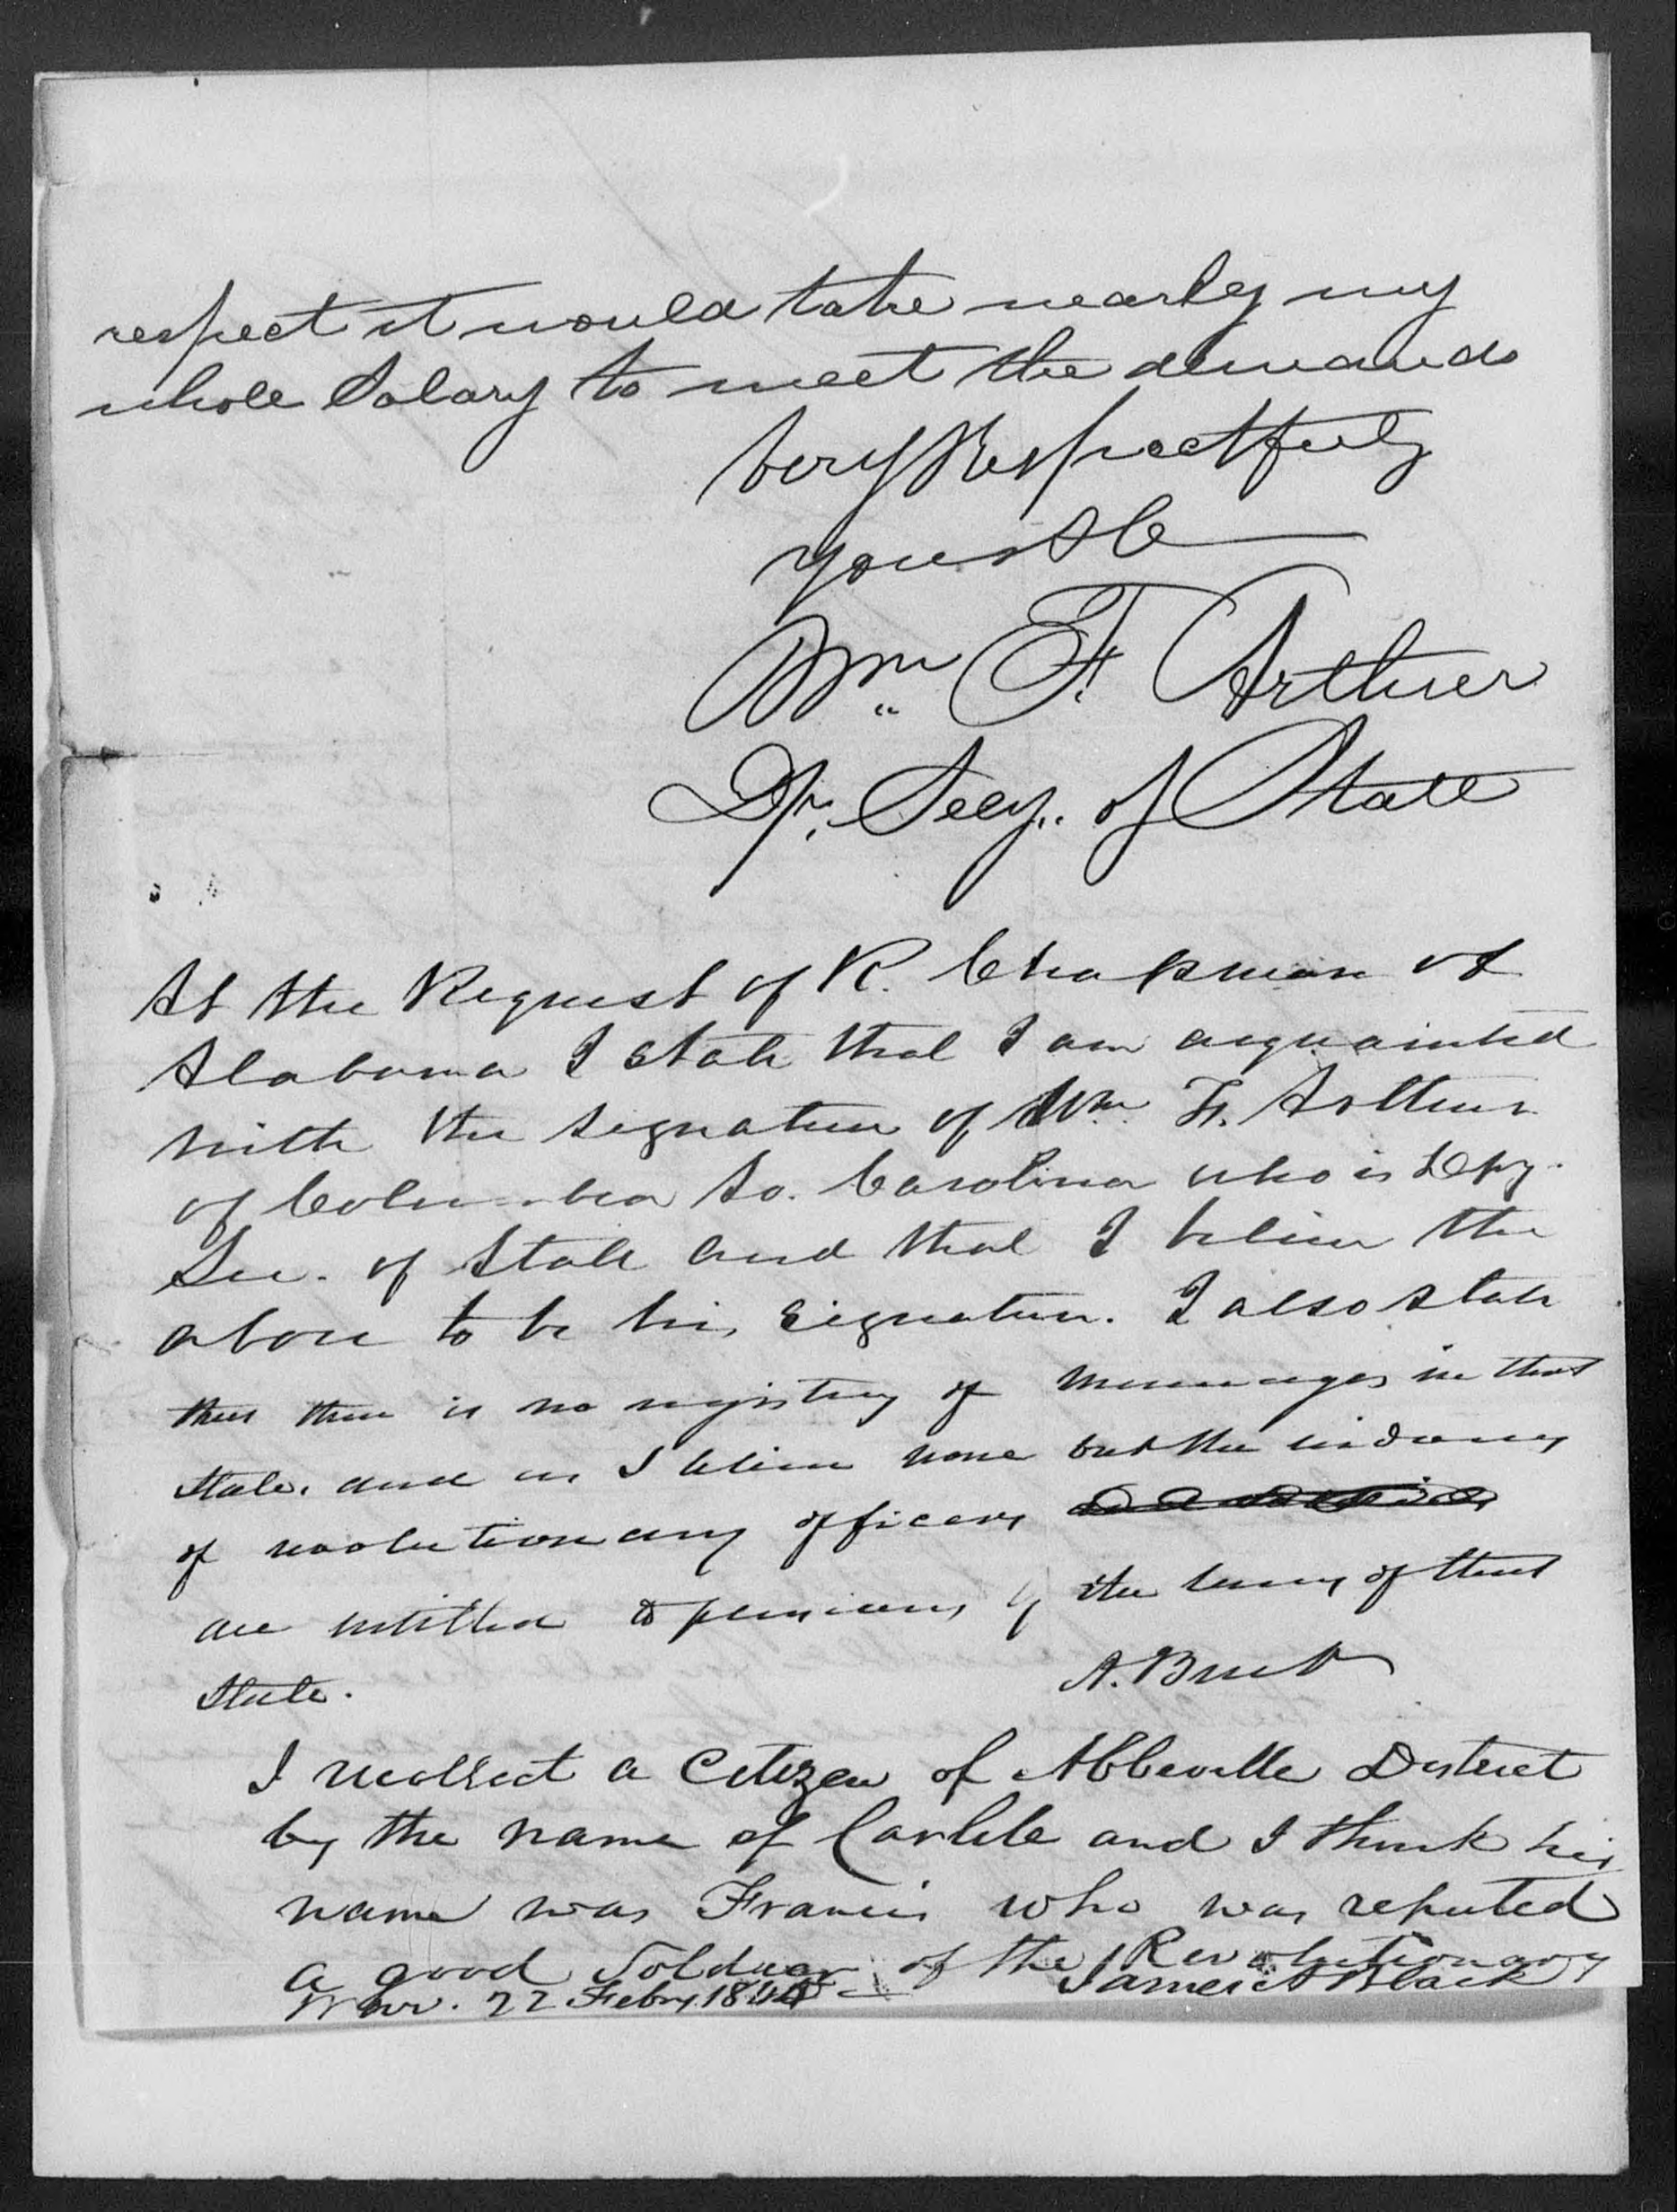respect it would take nearly my whole Salary to meet the demands
Very Respectfully
Yours
Wm F. Arthur
Dep. Secy. of State

At the Request of R. Chapman of Alabama I state that I am acquainted with the signature of Wm. F. Arthur of Columbia So Carolina who is Dpy. Sec. of State and that I believe the above to be his signature. I also state thus there is no registry of marriage in that State, and as I believe none but the evidences of revolutionary officers are entitled to pensions of the cases of that state.
A. Burt

I recollect a Citizen of Abbeville District by the name of Carlile and I think his name was Francis who was reputed a good Soldier of the Revolutionary War

James A Black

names: A Burt, Carlile, James A Black, Wm F Arthur, R Chapman, Wm F Arthur, Francis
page: 80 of 91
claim: widow's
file: W. 10576, Francis Carlisle, S.C.